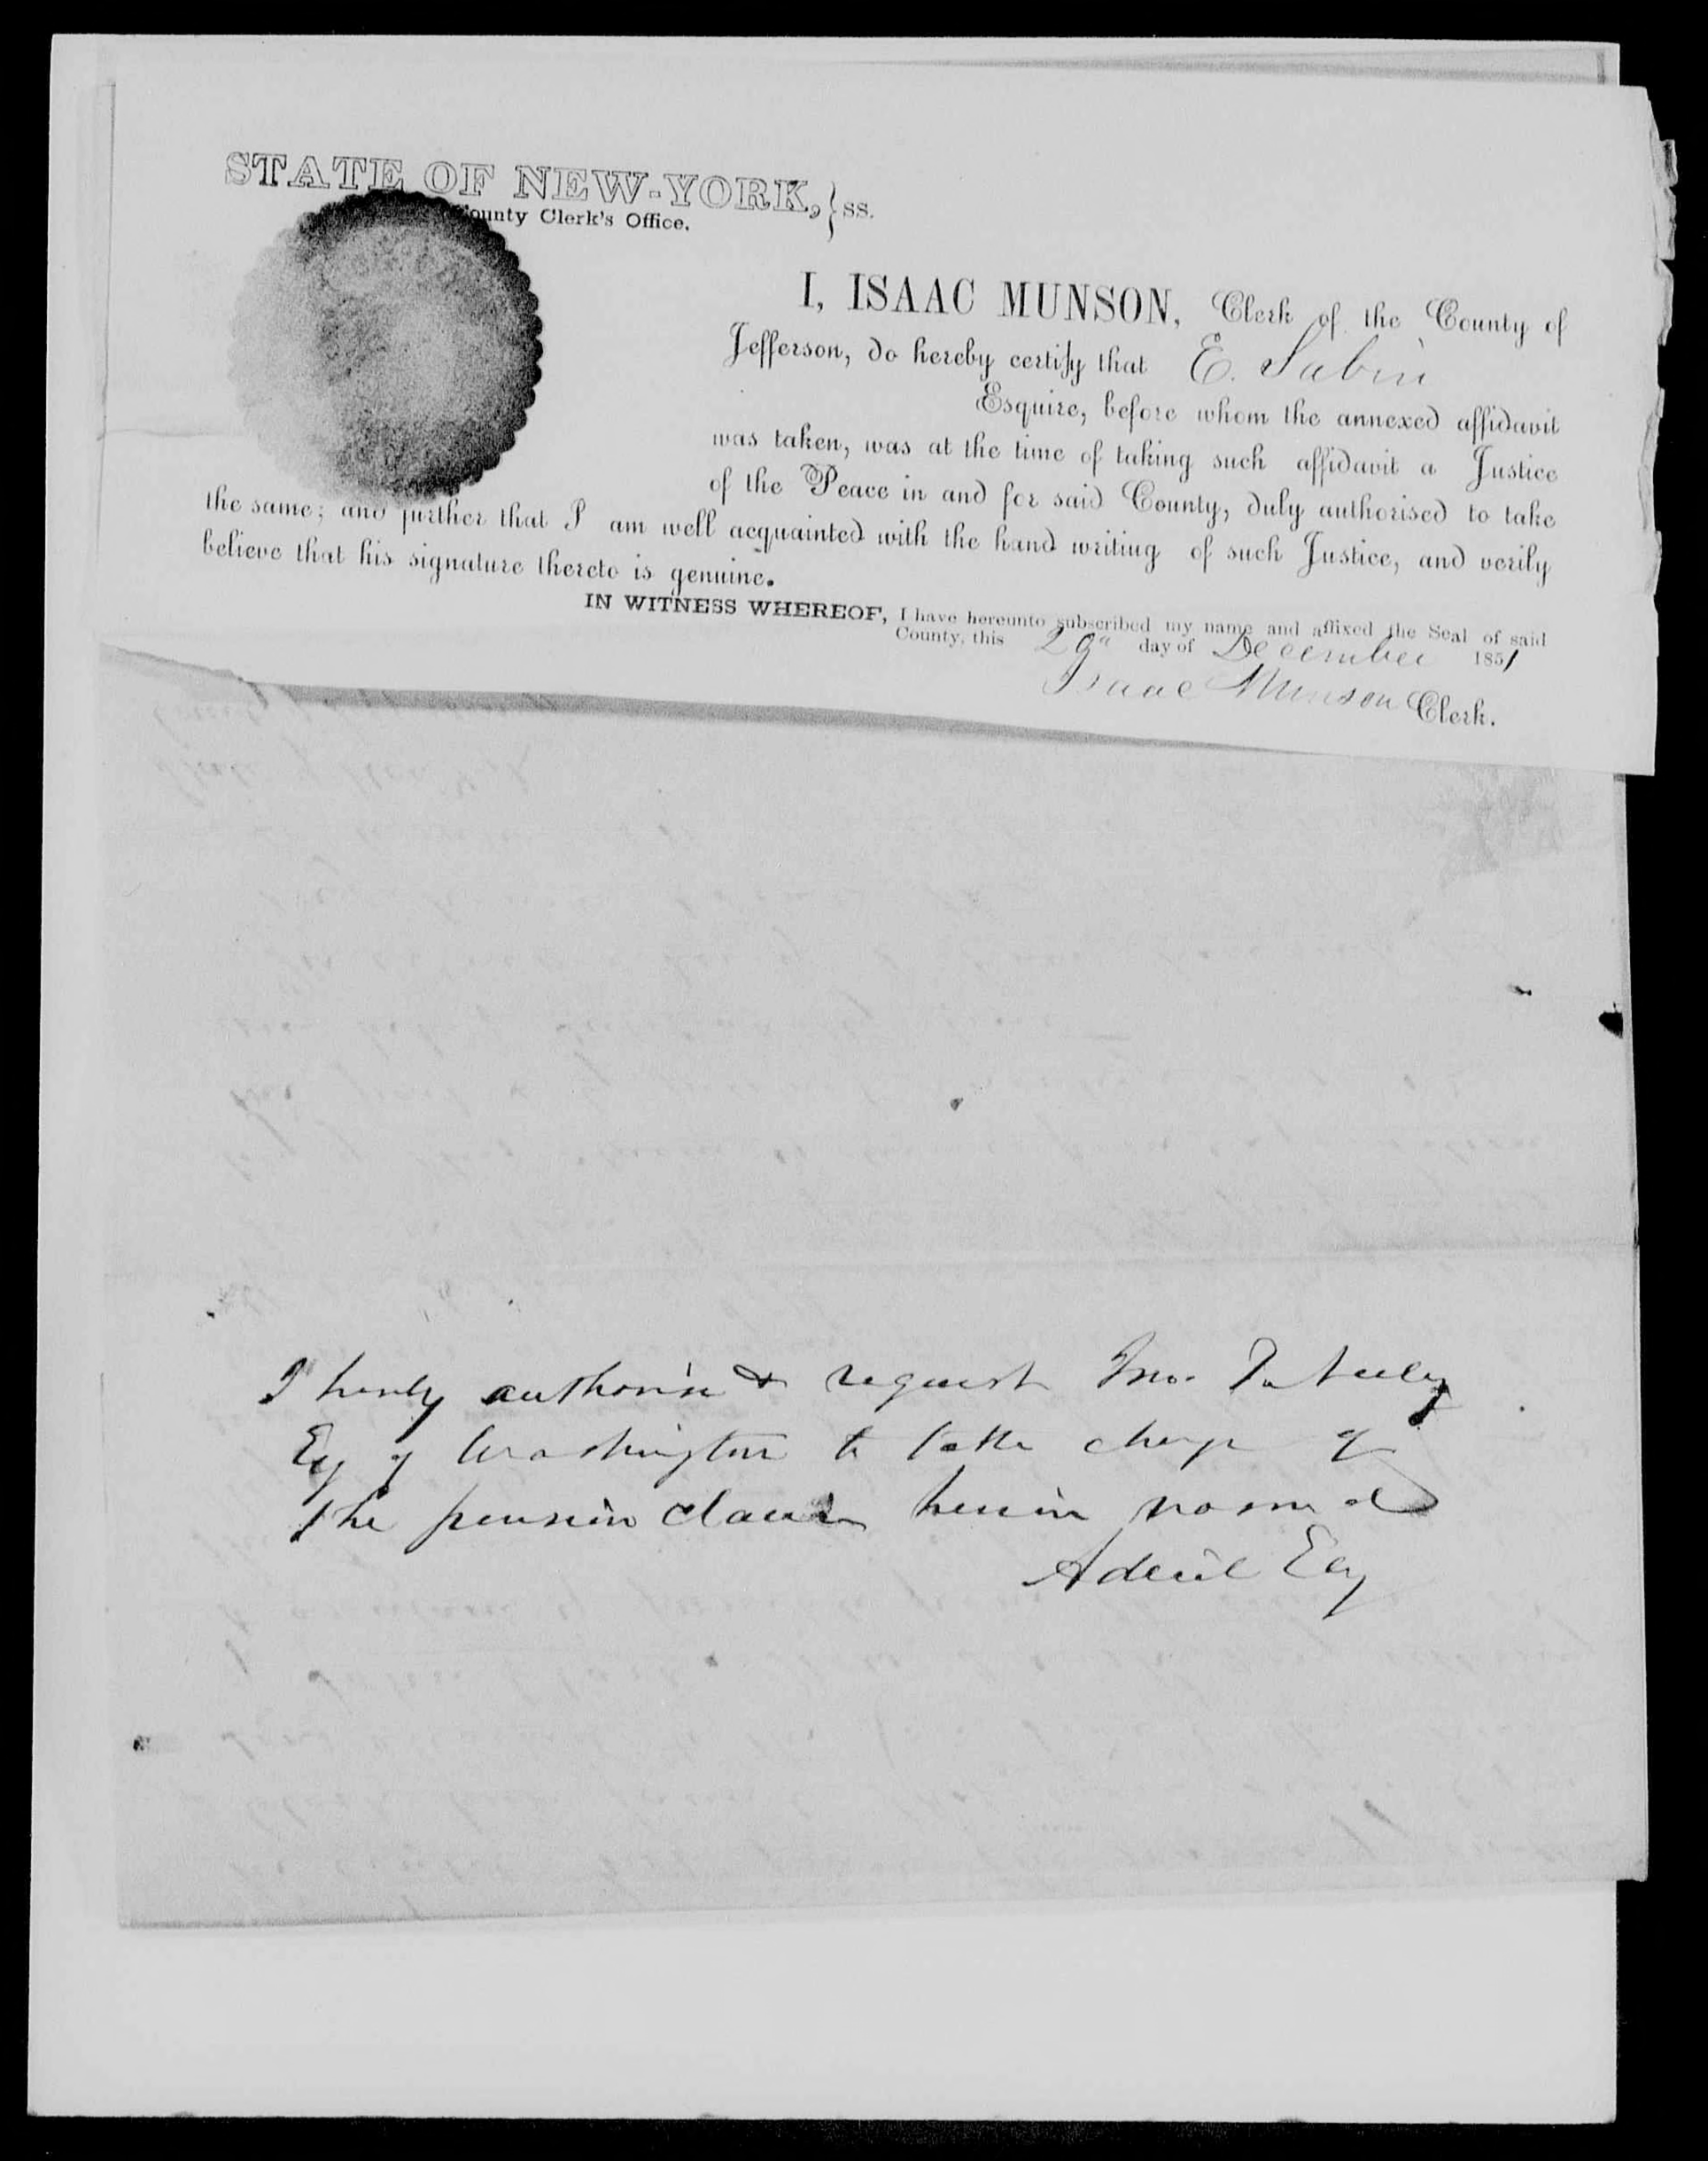STATE OF NEW YORK,  )
(covered) County Clerk's Office.) ss.
(seal)
I, ISAAC MUNSON, Clerk of the County of Jefferson, do hereby certify that E. Sabin Equire, before whom the annexed affidavit was taken, was at the time of taking such affidavit a Justice of the Peace in and for said County, duly authorised to take the same; and further that I am well acquainted with the hand writing of such Justice, and verily believe that his signature thereto is genuine.
  In Witness Whereof, I have hereunto subscribed my name and affixed the Seal of said County, this 29th day of December 1851
Isaac Munson Clerk

I hereby authorise & request Jno T Neely Esq of Washington to take charge of the pension claim herein named
Adecil Ely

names: Isaac Munson, Adecil Ely, Isaac Munson, E Sabin, Jno T Neely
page: 6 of 26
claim: rejected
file: R. 2001, Jonathan Clark, Conn.